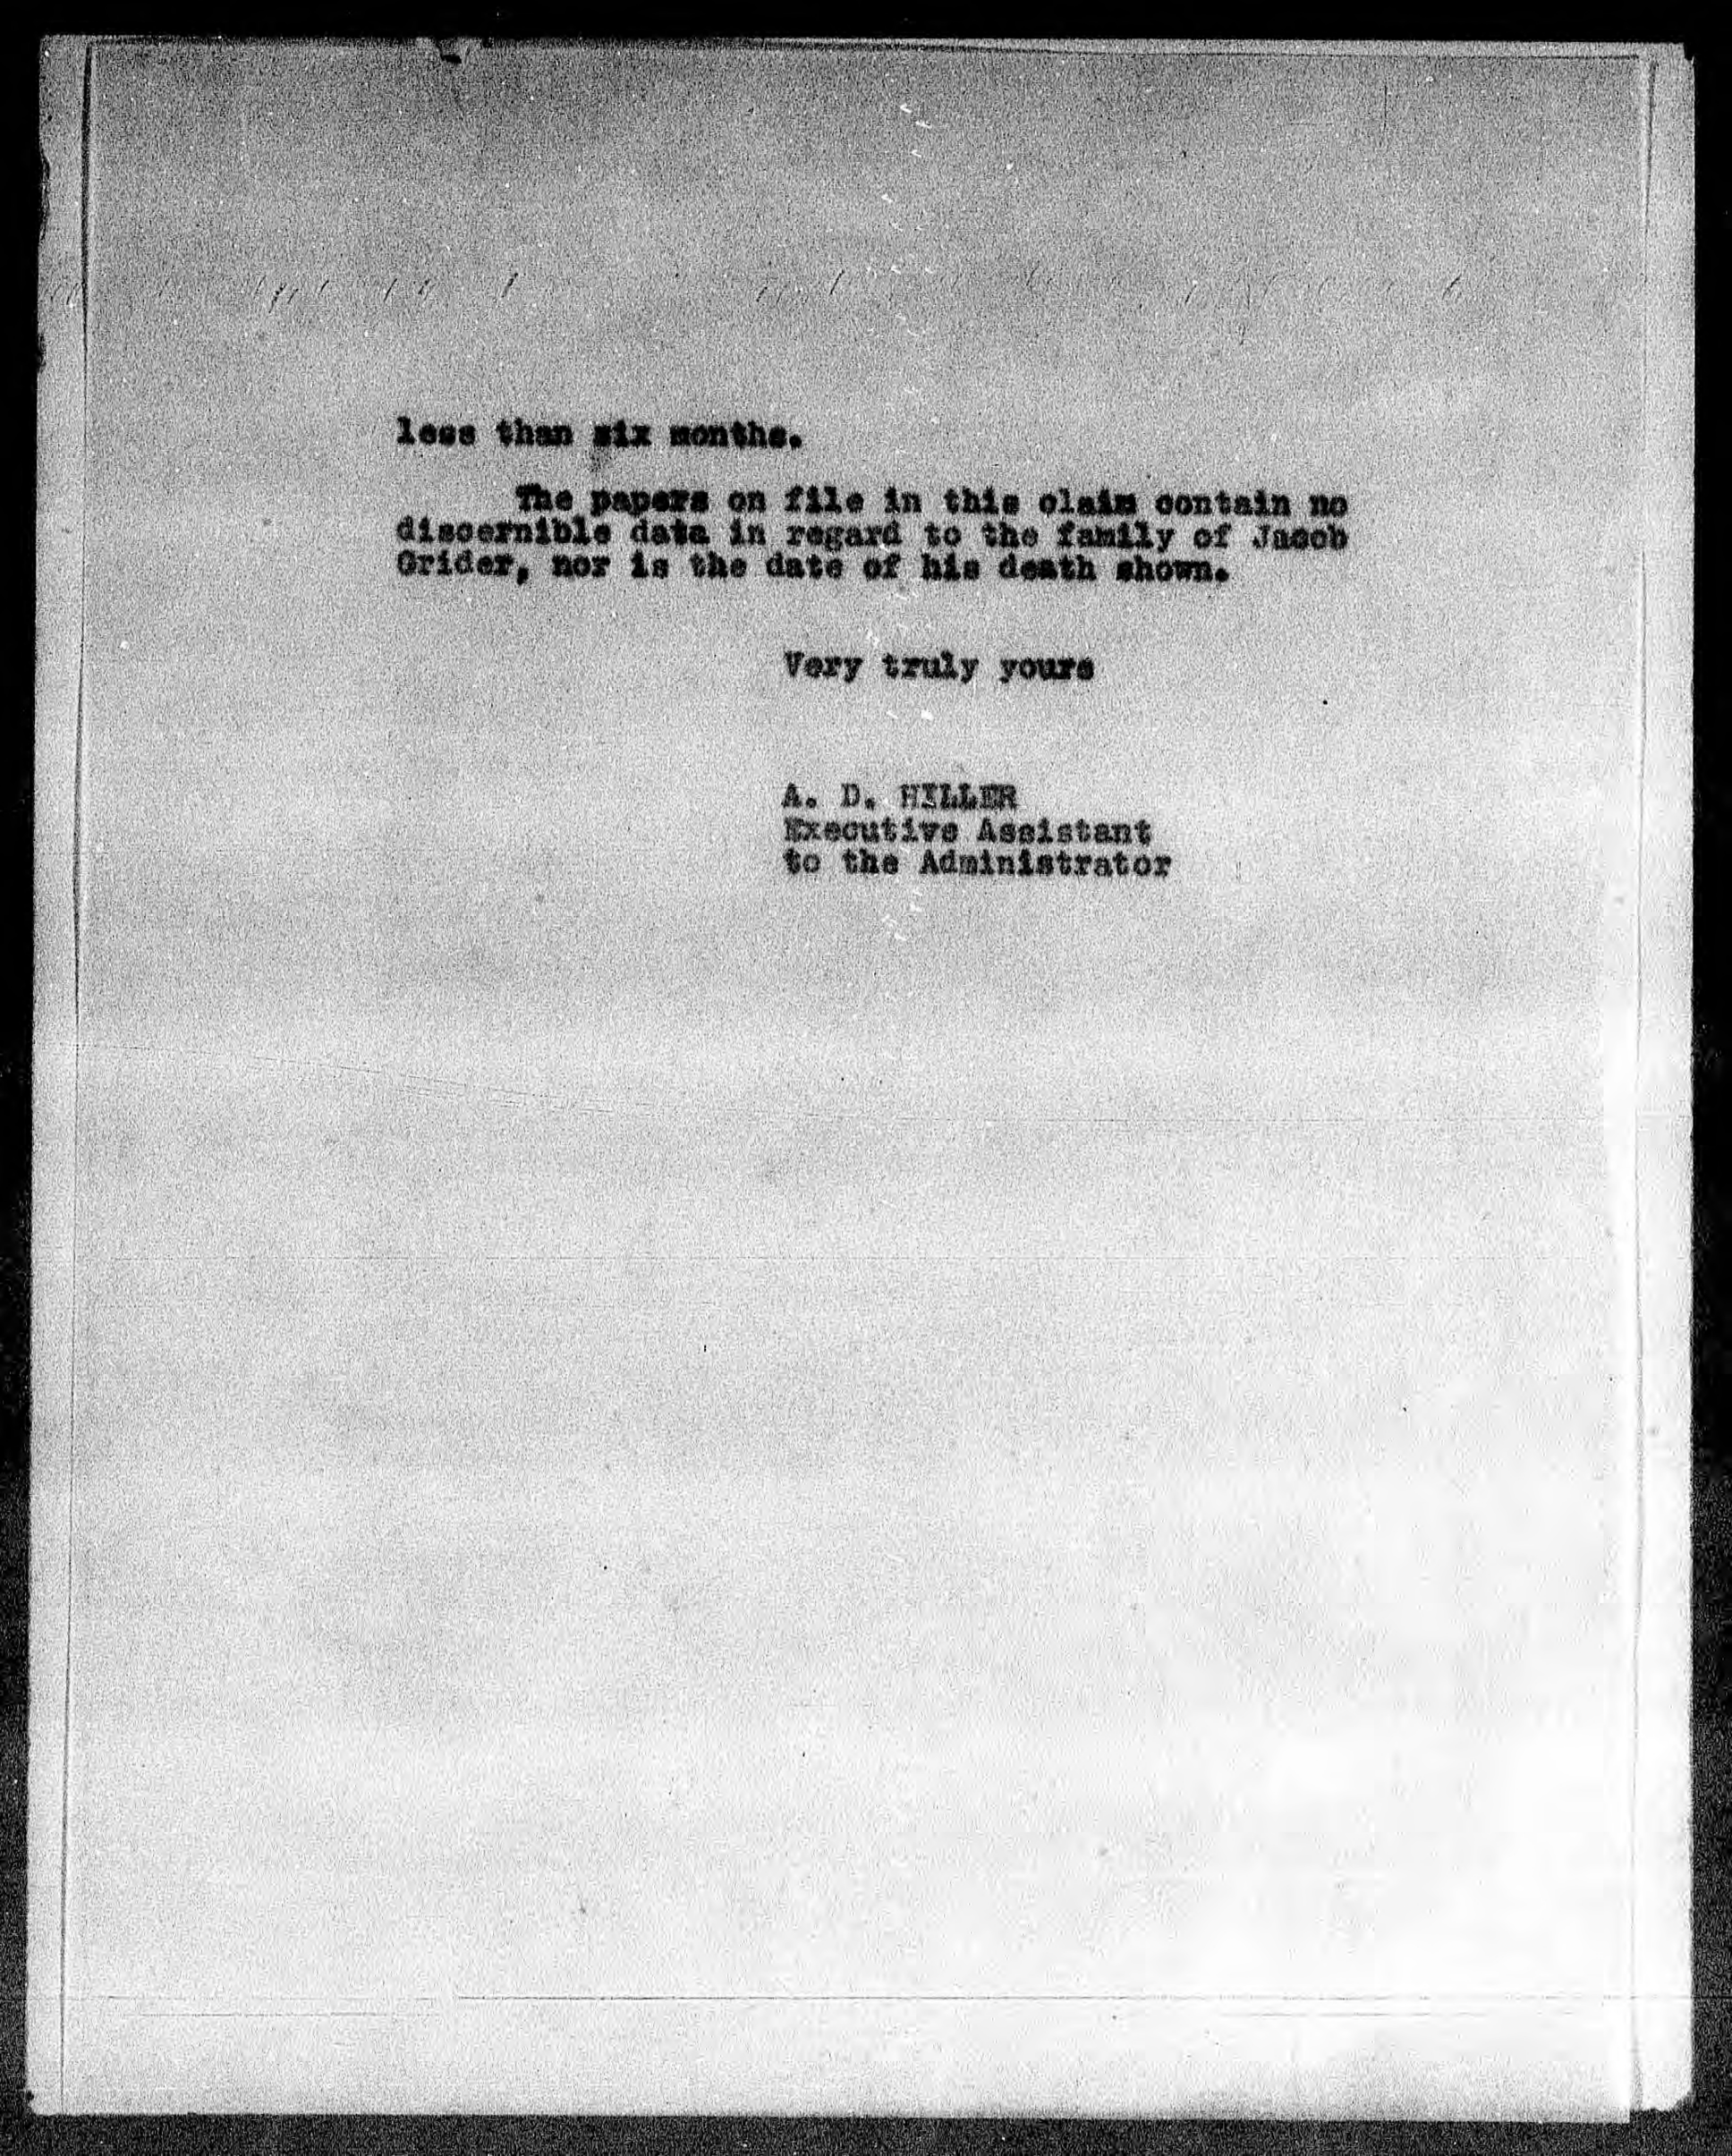[continued from previous]

less than six months.

The papers on file in this claim contain no discernible data in regard to the family of Jacob Grider, nor is the date of his death shown.

Very truly yours

A. D. HILLER
Executive Assistant to the Administrator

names: A D Hiller, Jacob Grider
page: 4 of 10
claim: rejected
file: R. 4302, Jacob Grider, Va